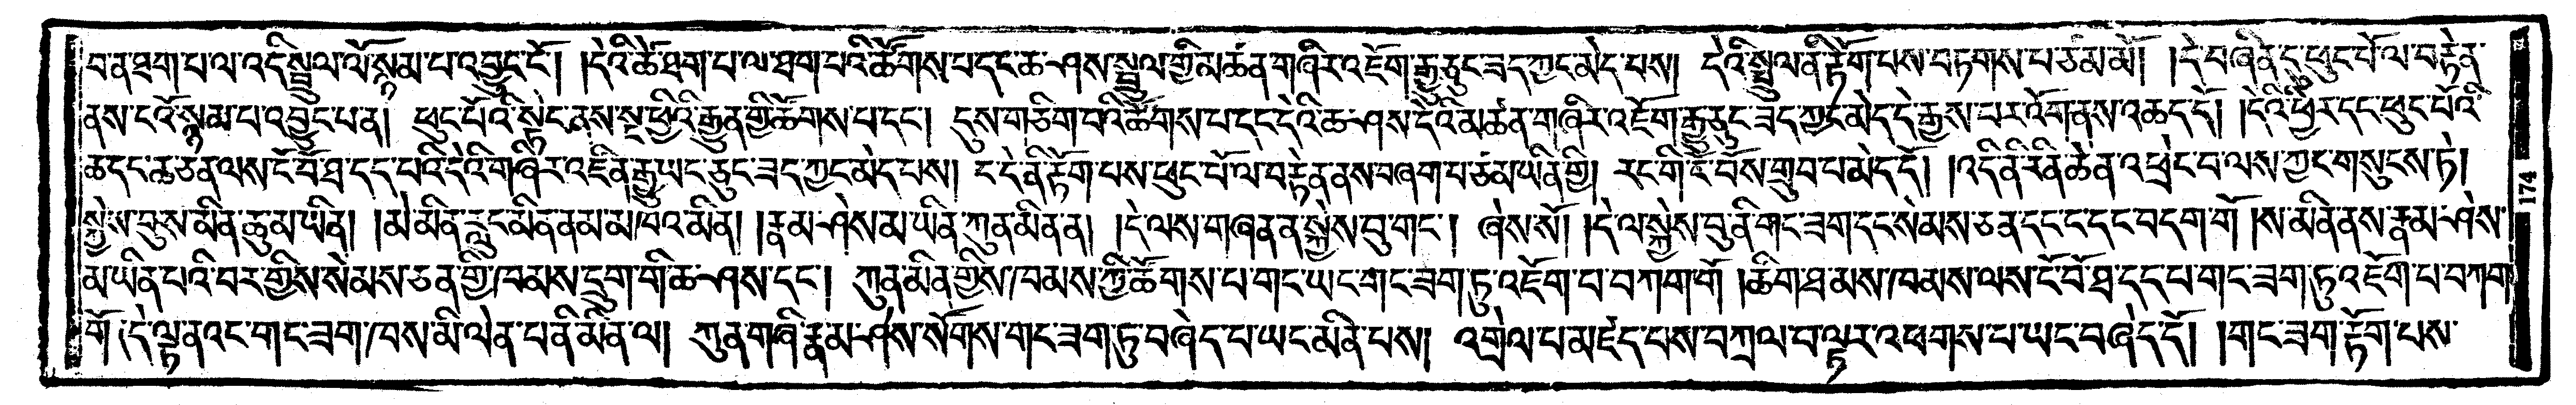བ་ན་ཐག་པ་ལ་འདི་སྦྲུལ་ལོ་སྙམ་པ་འབྱུང་ངོ། །དེའི་ཚེ་ཐག་པ་ལ་ཐག་པའི་ཚོགས་པ་དང་ཆ་ཤས་སྦྲུལ་གྱི་མཚན་གཞིར་འཇོག་རྒྱུ་ཅུང་ཟད་ཀྱང་མེད་པས། དེའི་སྦྲུལ་ནི་རྟོག་པས་བཏགས་པ་ཙམ་མོ། །དེ་བཞིན་དུ་ཕུང་པོ་ལ་བརྟེན་
ནས་ངའོ་སྙམ་པ་འབྱུང་བ་ན། ཕུང་པོའི་སྟེང་ནས་སྔ་ཕྱིའི་རྒྱུན་གྱི་ཚོགས་པ་དང་། དུས་གཅིག་པའི་ཚོགས་པ་དང་དེའི་ཆ་ཤས་དེའི་མཚན་གཞིར་འཇོག་རྒྱུ་ཅུང་ཟད་ཀྱང་མེད་དེ་རྒྱས་པར་འོག་ནས་འཆད་དོ། །དེའི་ཕྱིར་དང་ཕུང་པོའི་
ཆ་དང་ཆ་ཅན་ལས་ངོ་བོ་ཐ་དད་པའི་དེའི་གཞིར་འཛིན་རྒྱུ་ཡང་ཅུང་ཟད་ཀྱང་མེད་པས། ང་དེ་ནི་རྟོག་པས་ཕུང་པོ་ལ་བརྟེན་ནས་བཞག་པ་ཙམ་ཡིན་གྱི། རང་གི་ངོ་བོས་གྲུབ་པ་མེད་དོ། །འདི་ནི་རིན་ཆེན་འཕྲེང་བ་ལས་ཀྱང་གསུངས་ཏེ།
སྐྱེས་བུ་ས་མིན་ཆུ་མ་ཡིན། །མེ་མིན་རླུང་མིན་ནམ་མཁའ་མིན། །རྣམ་ཤེས་མ་ཡིན་ཀུན་མིན་ན། །དེ་ལས་གཞན་ན་སྐྱེས་བུ་གང་། ཞེས་སོ། །དེ་ལ་སྐྱེས་བུ་ནི་གང་ཟག་དང་སེམས་ཅན་དང་ང་དང་བདག་གོ །ས་མིན་ནས་རྣམ་ཤེས་
མ་ཡིན་པའི་བར་གྱིས་སེམས་ཅན་གྱི་ཁམས་དྲུག་གི་ཆ་ཤས་དང་། ཀུན་མིན་གྱིས་ཁམས་ཀྱི་ཚོགས་པ་གང་ཡང་གང་ཟག་ཏུ་འཇོག་པ་བཀག་གོ །ཚིག་ཐ་མས་ཁམས་ལས་ངོ་བོ་ཐ་དད་པ་གང་ཟག་ཏུ་འཇོག་པ་བཀག་
གོ ༑དེ་ལྟ་ནའང་གང་ཟག་ཁས་མི་ལེན་པ་ནི་མིན་ལ། ཀུན་གཞི་རྣམ་ཤེས་སོགས་གང་ཟག་ཏུ་བཞེད་པ་ཡང་མིན་པས། འགྲེལ་པ་མཛད་པས་བཀྲལ་བ་ལྟར་འཕགས་པ་ཡང་བཞེད་དོ། །གང་ཟག་རྟོག་པས་